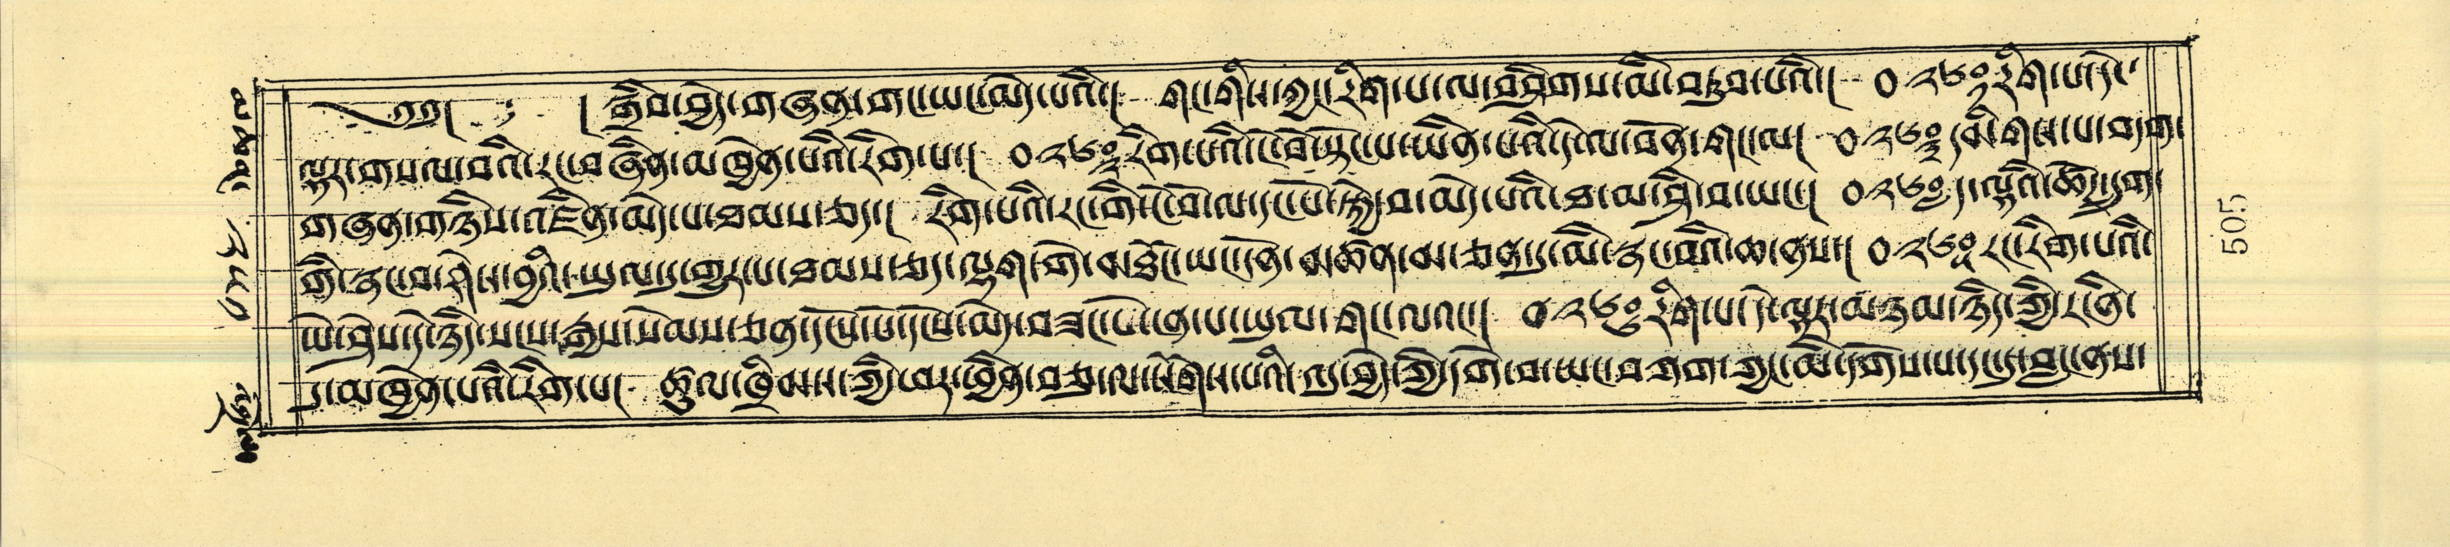སྒྲིབ་བྱེད་གཞན་གང་ཡང་མེད་པའི་༼གང་གིས་ཀྱང་རིག་པ༽ལ་བཤིགས་མི་བཏུབ་པའི་བ༢༦༠།༡༼རིག་པ༽དེ་
ལྟར་གསལ་བའི་རང་བཞིན་མཁྱེན་པའི་རིག་པ་བ༢༦༠།༢རིག་པའི་ངོ་བོ་སྟོང་པ་ཡིན་པའི་དེ་ལ་བོན་༼གང་ལ༽བ༢༦༠།༣༼དམིགས་པ༽བདག་
གཞན་གཉིས་འཛིན་མེད་པ་ཐམས་ཅད་རིག་པའི་རང་གི་ངོ་བོ་ལ་དང་པོ་༼སྐྱེ་བ༽མེད་པའི་ཐ་མ་ཤི་བ་ཡང་བ༢༦༠།༤༼ད་ལྟའི༽ཚོགས་དྲུག་
གི་སྣང་བ་༼ཤེས་བྱའི༽ཡུལ་དུ་གྱུར་པ་ཐམས་ཅད་༼ལྷག་གེ་མཐོང་༽ཡང་དོན་༼མཚན་མ༽ཅན་དུ་མི་སྣང་བའི་ཆ་ནས་བ༢༦༠།༥རང་རིག་པའི་
ཡེ་ཤེས་དེ་ཉིད་སངས་རྒྱས་སེམས་ཅན་དངོས་པོ་དངོས་མེད་བཟང་པོ་ངན་པ་ཡུལ་༼གང་ལའང༽བ༢༦༠།༦༼རིག་པ༽དེ་ལྟར་མཉམ་ཉིད་ཀྱི་རང་བཞིན་
དུ་མཁྱེན་པའི་རིག་པ་༼ཚུལ་ཁྲིམས༽ཀྱི་ཕར་ཕྱིན་བཅུ་༼ལ་སོགས་པའི༽འདུ་བྱེད་ཀྱི་དགེ་བ་ཡང་བཀག་ཀྱང་མི་དགོས་པ་དང་དུ་བླང་ནས་